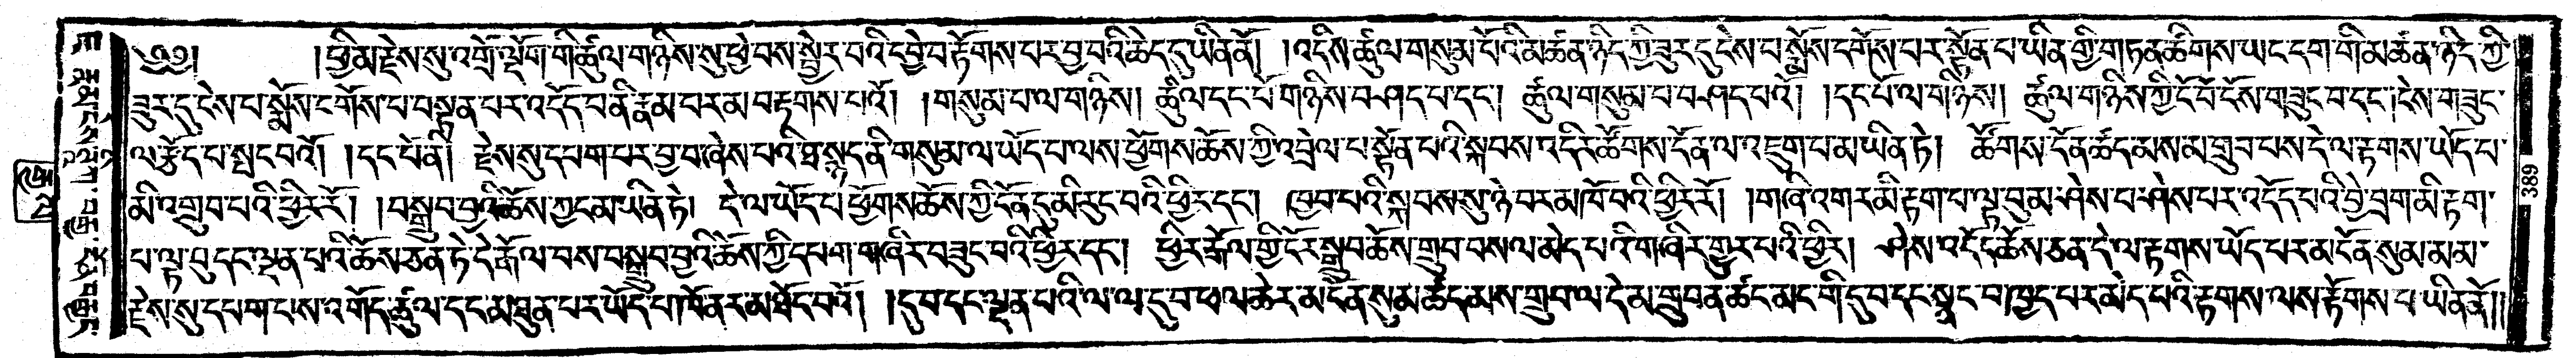༄༅། །ཕྱི་མ་རྗེས་སུ་འགྲོ་ལྡོག་གི་ཚུལ་གཉིས་སུ་ཕྱེ་བས་སྤྱེར་བའི་དབྱེ་བ་རྟོགས་པར་བྱ་བའི་ཆེད་དུ་ཡིན་ནོ། །འདིས་ཚུལ་གསུམ་པོའི་མཚན་ཉིད་ཀྱི་ཟུར་དུ་ངེས་པ་སྨོས་དགོས་པར་སྟོན་པ་ཡིན་གྱི་གཏན་ཚིགས་ཡང་དག་གི་མཚན་ཉིད་ཀྱི་
ཟུར་དུ་ངེས་པ་སྨོས་དགོས་པ་བསྟན་པར་འདོད་པ་ནི་རྣམ་པར་མ་བརྟགས་པའོ། །གསུམ་པ་ལ་གཉིས། ཚུལ་དང་པོ་གཉིས་བཤད་པ་དང་། ཚུལ་གསུམ་པ་བཤད་པའོ། །དང་པོ་ལ་གཉིས། ཚུལ་གཉིས་ཀྱི་ངོ་བོ་ངོས་གཟུང་བ་དང་། ངེས་གཟུང་
ལ་རྩོད་པ་སྤང་བའོ། །དང་པོ་ནི། རྗེས་སུ་དཔག་པར་བྱ་བ་ཞེས་པའི་ཐ་སྙད་ནི་གསུམ་ལ་ཡོད་པ་ལས་ཕྱོགས་ཆོས་ཀྱི་འབྲེལ་པ་སྟོན་པའི་སྐབས་འདིར་ཚོགས་དོན་ལ་འཇུག་པ་མ་ཡིན་ཏེ། ཚོགས་དོན་ཚད་མས་མ་གྲུབ་པས་དེ་ལ་རྟགས་ཡོད་པ་
མི་འགྲུབ་པའི་ཕྱིར་རོ། །བསྒྲུབ་བྱའི་ཆོས་ཀྱང་མ་ཡིན་ཏེ། དེ་ལ་ཡོད་པ་ཕྱོགས་ཆོས་ཀྱི་དོན་དུ་མི་རུང་བའི་ཕྱིར་དང་། ཁྱབ་པའི་སྐབས་སུ་ཉེ་བར་མཁོ་བའི་ཕྱིར་རོ། །གཞི་འགར་མི་རྟག་པ་ལྟ་བུ་མ་ཤེས་པ་ཤེས་པར་འདོད་པའི་བྱེ་བྲག་མི་རྟག་
པ་ལྟ་བུ་དང་ལྡན་པའི་ཆོས་ཅན་ཏེ་དེ་རྒོལ་བས་བསྒྲུབ་བྱའི་ཆོས་ཀྱི་དཔག་གཞིར་བཟུང་བའི་ཕྱིར་དང་། ཕྱིར་རྒོལ་གྱི་ངོར་སྒྲུབ་ཆོས་གྲུབ་བསལ་མེད་པའི་གཞིར་གྱུར་པའི་ཕྱིར། ཤེས་འདོད་ཆོས་ཅན་དེ་ལ་རྟགས་ཡོད་པར་མངོན་སུམ་མམ་
རྗེས་སུ་དཔག་པས་འགོད་ཚུལ་དང་མཐུན་པར་ཡོད་པ་ཁོ་ནར་མཐོང་བའོ། །དུ་བ་དང་ལྡན་པའི་ལ་ལ་དུ་བ་ཕལ་ཆེར་མངོན་སུམ་ཚད་མས་གྲུབ་ལ་དེ་མ་གྲུབ་ན་ཚང་མང་གི་དུ་བ་དང་སྣང་བ་ཁྱད་པར་མེད་པའི་རྟགས་ལས་རྟོགས་པ་ཡིན་ནོ། །